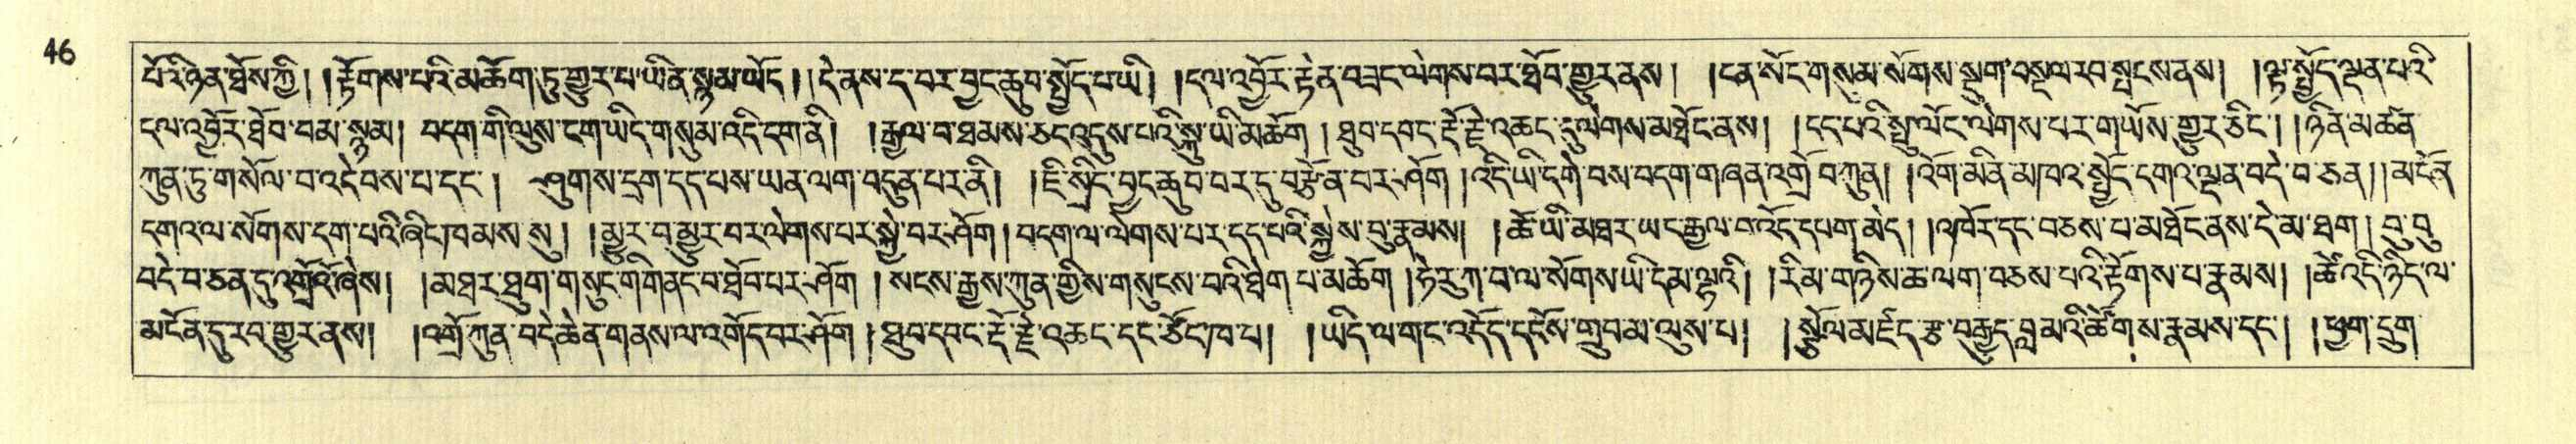པོའི་ཉན་ཐོས་ཀྱི། །རྟོགས་པའི་མཆོག་ཏུ་གྱུར་པ་ཡིན་སྙམ་ཡོད། །དེ་ནས་ད་བར་བྱང་ཆུབ་སྤྱོད་པ་ཡི། །དལ་འབྱོར་རྟེན་བཟང་ལེགས་བར་ཐོབ་གྱུར་ནས། །ངན་སོང་གསུམ་སོགས་སྡུག་བསྔལ་རབ་སྤངས་ནས། །ལྟ་སྤྱོད་ལྡན་པའི་
ངལ་འབྱོར་ཐོབ་བམ་སྙམ། བདག་གི་ལུས་ངག་ཡིད་གསུམ་འདི་དག་ནི། །རྒྱལ་བ་ཐམས་ཅད་འདུས་པའི་སྐུ་ཡི་མཆོག །ཐུབ་དབང་རྡོ་རྗེ་འཆང་དུ་ལེགས་མཐོང་ནས། །དད་པའི་སྤུ་ལོང་ལེགས་པར་གཡོས་གྱུར་ཅིང་། །ཉིན་མཚན་
ཀུན་ཏུ་གསོལ་བ་འདེབས་པ་དང་། ཤུགས་དྲག་དད་པས་ཡན་ལག་བདུན་པར་ནི། །ཇི་སྲིད་བྱང་ཆུབ་བར་དུ་བརྩོན་པར་ཤོག །འདི་ཡི་དགེ་བས་བདག་གཞན་འགྲོ་བ་ཀུན། །འོག་མིན་མཁའ་སྤྱོད་དགའ་ལྡན་བདེ་བ་ཅན། །མངོན་
དགའ་ལ་སོགས་དག་པའི་ཞིང་ཁམས་སུ། །མྱུར་བ་མྱུར་བར་ལེགས་པར་སྐྱེ་བར་ཤོག། བདག་ལ་ལེགས་པར་དད་པའི་སྐྱེས་བུ་རྣམས། །ཆོ་ཡི་མཐར་ཡང་རྒྱལ་བ་འོད་དཔག་མེད། །འཁོར་དང་བཅས་པ་མཐོང་ནས་དེ་མ་ཐག། བུ་བུ་
བདེ་བ་ཅན་དུ་འགྲོའོ་ཞེས། །མཐར་ཐུག་གསུང་གི་གནང་བ་ཐོབ་པར་ཤོག །སངས་རྒྱས་ཀུན་གྱིས་གསུངས་བའི་ཐེག་པ་མཆོག །ཧེ་རུ་ཀ་བ་ལ་སོགས་ཡི་དམ་ལྷའི། །རིམ་གཉིས་ཆ་ལག་བཅས་པའི་རྟོགས་པ་རྣམས། །ཚེ་འདི་ཉིད་ལ་
མངོན་དུ་རབ་གྱུར་ནས། །འགྲོ་ཀུན་བདེ་ཆེན་གནས་ལ་འགོད་བར་ཤོག །ཐུབ་དབང་རྡོ་རྗེ་འཆང་དང་ཙོང་ཁ་པ། །ཡིད་ལ་གང་འདོད་དངོས་གྲུབ་མ་ལུས་པ། །སྩོལ་མཛད་རྩ་བརྒྱུད་བླ་མའི་ཚོགས་རྣམས་དང་། །ཕྱག་དྲུག་